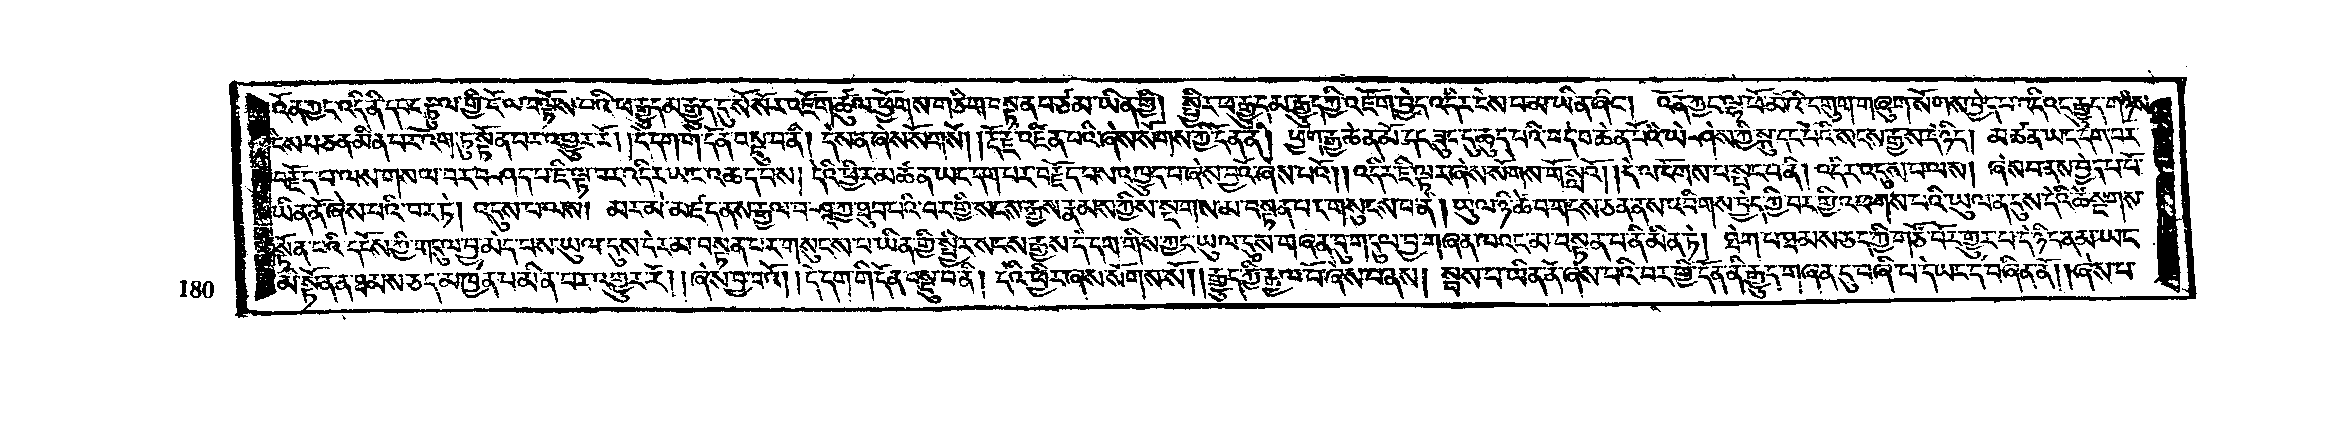འོན་ཀྱང་འདི་ནི་དབང་རྟུལ་གྱི་ངོ་ལ་བལྟོས་པའི་ཕ་རྒྱུད་མ་རྒྱུད་དུ་སོ་སོར་འཇོག་ཚུལ་ཕྱོགས་གཅིག་བསྟན་པ་ཙམ་ཡིན་གྱི། སྤྱིར་ཕ་རྒྱུད་མ་རྒྱུད་ཀྱི་འཇོག་བྱེད་འདིར་ངེས་པ་མ་ཡིན་ཞིང་། འོན་ཀྱང་ལྷ་ཕོ་མོའི་དགུག་གཞུག་སོགས་བྱེད་པ་འདེའང་རྒྱུད་གཉིས་
ངེས་པ་ཅན་མིན་པར་འོག་ཏུ་སྟོན་པར་འགྱུར་རོ། །དེ་དག་གི་དོན་བསྡུ་བ་ནི། དེས་ན་ཞེས་སོགས་སོ། །རྡོ་རྗེ་འཛིན་པའི་ཞེས་སོགས་ཀྱི་དོན་ནི། ཕྱག་རྒྱ་ཆེན་མོ་དང་ཟུང་དུ་ཆུད་པའི་བདེ་བ་ཆེན་པོའི་ཡེ་ཤེས་ཀྱི་སྐུ་དང་པོའི་སངས་རྒྱས་དེ་ཉིད། མཚན་ཡང་དག་པར་
བརྗོད་པ་ལས་གསལ་བར་བཤད་པ་ཇི་ལྟ་བར་འདིར་ཡང་འཆད་པས། དེའི་ཕྱིར་མཚན་ཡང་དག་པར་བརྗོད་པས་འཁྱུད་པ་ཞེས་བྱའོ་ཞེས་པའོ། །འདིར་ཇི་ལྟར་ཞེས་སོགས་གོ་སླའོ། །དེ་ལ་དོགས་པ་སྤང་བ་ནི། འདིར་འདུས་པ་ལས། ཞེས་པ་ནས་བྱེད་པ་པོ་
ཡིན་ནོ་ཞེས་པའི་བར་ཏེ། འདུས་པ་ལས། མར་མེ་མཛད་ནས་རྒྱལ་བ་ཤཱཀྱ་ཐུབ་པའི་བར་གྱི་སངས་རྒྱས་རྣམས་ཀྱིས་སྔགས་མ་བསྟན་པར་གསུངས་པ་ནི། ཡུལ་ཉི་ཚེ་བ་གངས་ཅན་ནས་འབིགས་བྱེད་ཀྱི་བར་གྱི་འཕགས་པའི་ཡུལ་ན་དུས་དེའི་ཚེ་སྔགས་
སྟོན་པའི་དངོས་ཀྱི་གདུལ་བྱ་མེད་པས་ཡུལ་དུས་དེར་མ་བསྟན་པར་གསུངས་པ་ཡིན་གྱི་སྤྱིར་སངས་རྒྱས་དེ་དག་གིས་ཀྱང་ཡུལ་དུས་གཞན་དུ་གདུལ་བྱ་གཞན་ལའང་མ་བསྟན་པ་ནི་མིན་ཏེ། ཐེག་པ་ཐམས་ཅད་ཀྱི་གཙོ་བོར་གྱུར་པ་དེ་ཉིད་ནམ་ཡང་
མི་སྟོན་ན་ཐམས་ཅད་མཁྱེན་པ་མིན་པར་འགྱུར་རོ། །ཞེས་བྱ་བའོ། །དེ་དག་གི་དོན་བསྡུ་བ་ནི། དེའི་ཕྱིར་ཞེས་སོགས་སོ། །རྒྱུད་ཀྱི་རྒྱལ་པོ་ཞེས་པ་ནས། སྦས་པ་ཡིན་ནོ་ཞེས་པའི་བར་གྱི་དོན་ནི་རྒྱུད་གཞན་དུ་བཞི་པ་དེ་ཡང་དེ་བཞིན་ནོ། །ཞེས་པ་